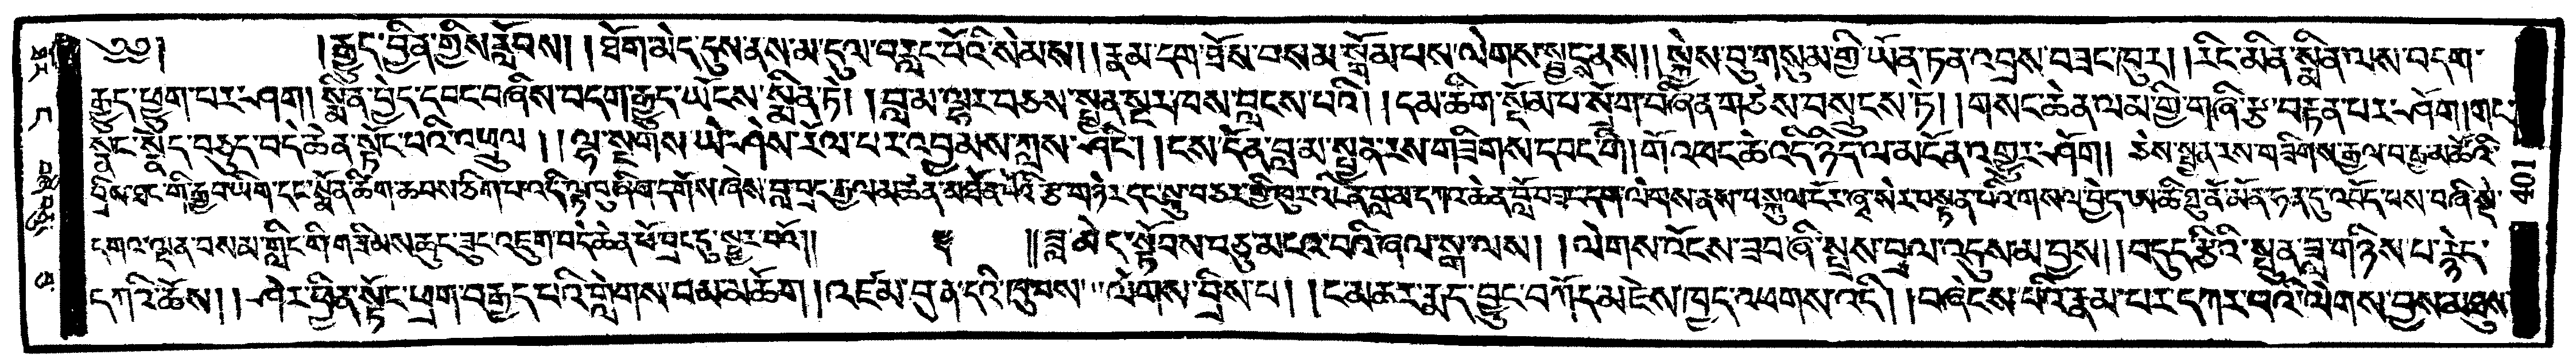༄༅། །རྒྱུད་བྱིན་གྱིས་རློབས། །ཐོག་མེད་དུས་ནས་མ་དུལ་བརླང་པོའི་སེམས། །རྣམ་དག་ཐོས་བསམ་སྒོམ་པས་ལེགས་སྦྱངས་ནས། །སྐྱེས་བུ་གསུམ་གྱི་ཡོན་ཏན་འབྲས་བཟང་ཁུར། །རིང་མིན་སྨིན་ལས་བདག་
རྒྱུད་ཕྱུག་པར་ཤག །སྨིན་བྱེད་དབང་བཞིས་བདག་རྒྱུད་ཡོངས་སྨིན་ཏེ། །བླ་མ་ལྷར་བཅས་སྤྱན་སྔར་ཁས་བླངས་པའི། །དམ་ཚིག་སྡོམ་པ་སྲོག་བཞིན་གཙས་བསྲུངས་ཏེ། །གསང་ཆེན་ལམ་གྱི་གཞི་རྩ་བརྟན་པར་ཤོག །གང་
སྣང་སྣེད་བཅུད་བདེ་ཆེན་སྟོང་པའི་འཕྲུལ། །ལྷ་སྔགས་ཡེ་ཤེས་རོལ་པར་འབྱམས་ཀླས་ཤིང་། །ངས་དོན་བླ་མ་སྤྱན་རས་གཟིགས་དབང་གི །གོ་འཕང་ཆེ་འདི་ཉིད་ལ་མངོན་འགྱུར་ཤོག །ཅེས་སྤྱན་རས་གཟིགས་རྒྱལ་བ་རྒྱ་མཚོའི་
བྲིས་ཐང་གི་རྒྱབ་ཡིག་དང་སྨོན་ཚིག་ཆབས་ཅིག་པ་འདི་ལྟ་བུ་ཞིག་དགོས་ཞེས་བླ་བྲང་རྒྱལ་མཚན་མཐོན་པོའི་རྩ་གཉེར་དང་སྐུ་བཅར་གྱི་ཁུར་འཛིན་བླ་མ་དཀའ་ཆེན་བློ་བཟང་དག་ལེགས་ནས་བསྐུལ་ངོར་ཞྭ་སེར་བསྟན་པའི་གསལ་བྱེད་ཨ་ཆི་ཐུ་ནོ་མོན་ཧན་དུ་འབོད་པས་བཞི་སྡེ་
དགའ་ལྡན་བསམ་གླིང་གི་གཟིམས་ཆུང་ཟུང་འཇུག་བདེ་ཆེན་ཕོ་བྲང་དུ་སྦྱར་བའོ།། ༈ །།ཟླ་མེད་སྟོབས་བཅུ་མངའ་བའི་ཞལ་སྒ་ལས། །ལེགས་འོངས་ཟབ་ཞི་སྤྲས་བྲལ་འདུས་མ་བྱས། །བདུད་རྩིའི་སྤུན་ཟླ་གཉིས་པ་རྙེད་
དཀའི་ཆོས། །ཤེར་ཕྱིན་སྟོང་ཕྲག་བརྒྱད་པའི་གླེགས་བམ་མཆོག །འཛམ་བུ་ན་དའི་ཁུ་བས་ལོགས་བྲིས་པ། །ང་མཆར་རྨད་བྱུང་བཀོད་མཛེས་ཁྱད་འཕགས་འདི། །བཞེངས་པའི་རྣམ་པར་དཀར་བའི་ལེགས་བྱས་མཐུས་